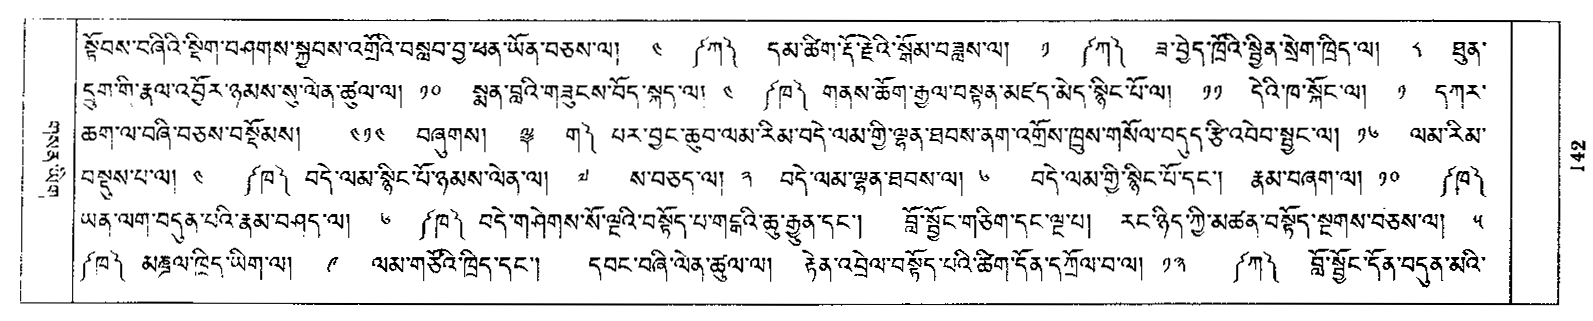སྟོབས་བཞིའི་སྡིག་བཤགས་སྐྱབས་འགྲོའི་བསླབ་བྱ་ཕན་ཡོན་བཅས་ལ། ༤་?ཀ༼་དམ་ཚིག་རྡོ་རྗེའི་སྒོམ་བཟླས་ལ། ༡་?ཀ༽ ཟ་བྱེད་ཁྲོའི་སྦྱིན་སྲེག་ཁྲིད་ལ། ༨་ཐུན་
དྲུག་གི་རྣལ་འབྱོར་ཉམས་སུ་ལེན་ཚུལ་ལ། ༡༠་སྨན་བླའི་གཟུངས་བོད་སྐད་ལ། ༤་?ཁ་གནས་ཆོག་རྒྱལ་བསྟན་མཛད་མེད་སྙིང་པོ་ལ། ༡༡་དེའི་ཁ་སྐོང་ལ། ༡་དཀར་
ཆག་ལ་བཞི་བཅས་བསྡོམས། ༤༡༤་བཞུགས། ༈ ག་པར་བྱང་ཆུབ་ལམ་རིམ་བདེ་ལམ་གྱི་ལྷན་ཐབས་ནག་འགྲོས་ཁྲུས་གསོལ་བདུད་རྩི་འབེབ་སྦྱང་ལ། ༡༦་ལམ་རིམ་
བསྡུས་པ་ལ། ༤་?ཁ༼་བདེ་ལམ་སྙིང་པོ་ཉམས་ལེན་ལ། ༧་ས་བཅད་ལ། ༢་བདེ་ལམ་ལྷན་ཐབས་ལ། ༦་བདེ་ལམ་གྱི་སྙིང་པོ་དང་། རྣམ་བཞག་ལ། ༡༠་?ཁ༽
ཡན་ལག་བདུན་པའི་རྣམ་བཤད་ལ། ༦་?ཁ་བདེ་གཤེགས་སོ་ལྔའི་བསྟོད་པ་གངྒའི་ཆུ་རྒྱུན་དང་། བློ་སྦྱོང་གཅིག་དང་ལྔ་པ། རང་ཉིད་ཀྱི་མཚན་བསྟོད་སྔགས་བཅས་ལ། ༥
?ཁ༼་མཎྜལ་ཁྲིད་ཡིག་ལ། ༩་ལམ་གཙོའི་ཁྲིད་དང་། དབང་བཞི་ལེན་ཚུལ་ལ། རྟེན་འབྲེལ་བསྟོད་པའི་ཚིག་དོན་དཀྲོལ་བ་ལ། ༡༣་?ཀ༽ བློ་སྦྱོང་དོན་བདུན་མའི་